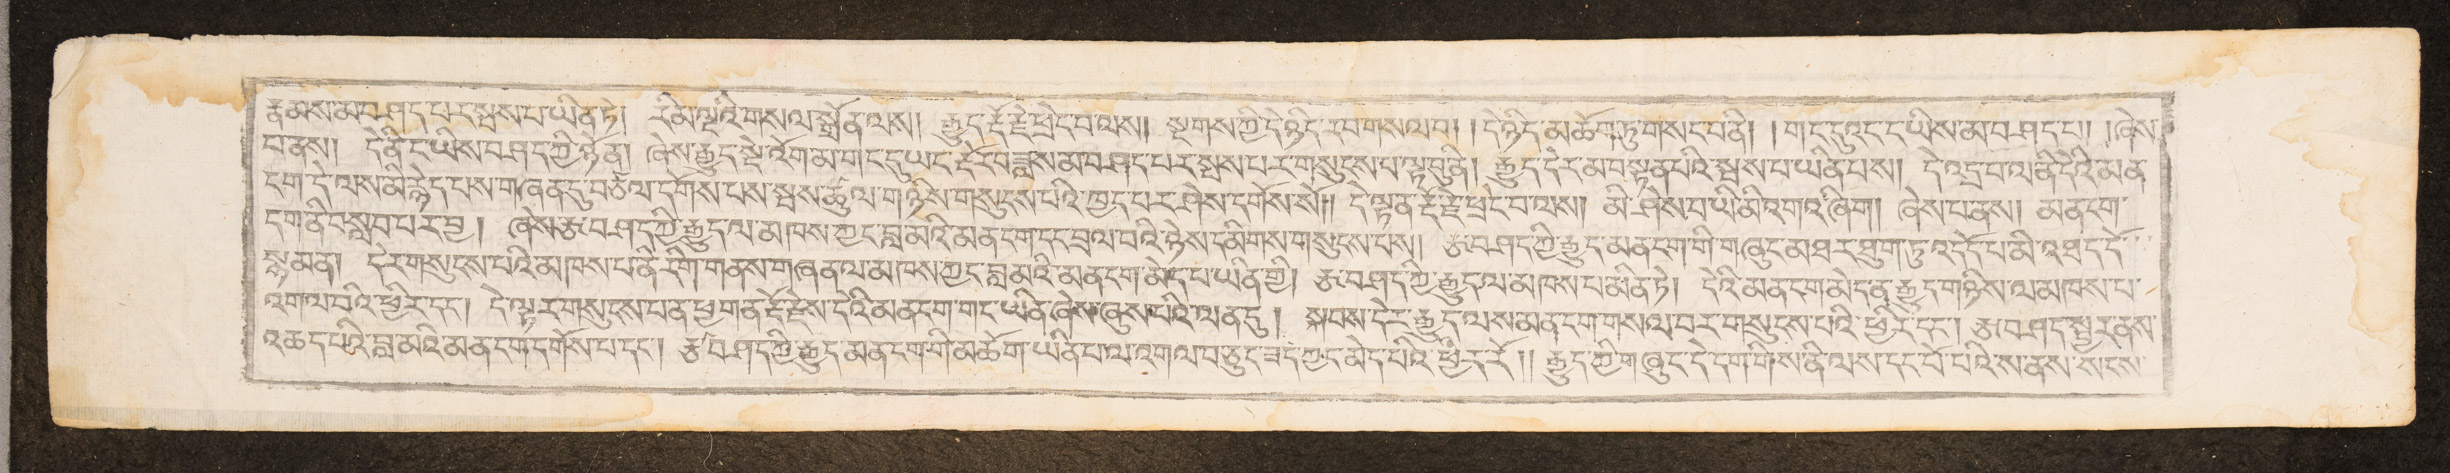རྣམས་མ་བཤད་པར་སྤས་པ་ཡིན་ཏེ། རིམ་ལྔའི་གསལ་སྒྲོན་ལས། རྒྱུད་རྡོ་རྗེ་ཕྲེང་བ་ལས། སྔགས་ཀྱི་དེ་ཉིད་རབ་གསལ་བ། དེ་ཉིད་མཆོག་ཏུ་གསང་བ་ནི། །གང་དུའང་ང་ཡིས་མ་བཤད་པ། །ཞེས་
པ་ནས། དེ་ནི་ང་ཡིས་བཤད་ཀྱི་ཉོན། ཞེས་རྒྱུད་སྡེ་འོག་མ་གང་དུ་ཡང་རྡོར་བཟླས་མ་བཤད་པར་སྤས་པར་གསུངས་པ་ལྟ་བུ་ནི། རྒྱུད་དེར་མ་བསྟན་པའི་སྦས་པ་ཡིན་པས། དེ་འདྲ་བ་ལ་ནི་དེའི་མན་
ངག་དེ་ལས་མི་རྙེད་པས་གཞན་དུ་བཙལ་དགོས་པས་སྤས་ཚུལ་གཉིས་གསུངས་པའི་ཁྱད་པར་ཤེས་དགོས་སོ།། དེ་ལྟ་ན་རྡོ་རྗེ་ཕྲེང་བ་ལས། མི་ཤེས་པ་ཡི་མི་འགའ་ཞིག། ཞེས་པ་ནས། མན་ངག་
དག་ནི་བསླབ་པར་བྱ། ཞེས་རྩ་བཤད་ཀྱི་རྒྱུད་ལ་མཁས་ཀྱང་བླ་མའི་མན་ངག་དང་བྲལ་བའི་ཉེས་དམིགས་གསུངས་པས། རྩ་བཤད་ཀྱི་རྒྱུད་མན་ངག་གི་གཞུང་མཐར་ཐུག་ཏུ་འདོད་པ་མི་འཐད་དོ་
སྙམ་ན། དེར་གསུངས་པའི་མཁས་པ་ནི་རིག་གནས་གཞན་ལ་མཁས་ཀྱང་བླ་མའི་མན་ངག་མེད་པ་ཡིན་གྱི། རྩ་བཤད་ཀྱི་རྒྱུད་ལ་མཁས་པ་མིན་ཏེ། དེའི་མན་ངག་མེད་ན་རྒྱུད་གཉིས་ལ་མཁས་པ་
འགལ་བའི་ཕྱིར་དང་། དེ་ལྟར་གསུངས་པ་ན་ཕྱག་ན་རྡོ་རྗེས་དེའི་མན་ངག་གང་ཡིན་ཞེས་ཞུས་པའི་ལན་དུ། སྐབས་དེར་རྒྱུད་ལས་མན་ངག་གསལ་བར་གསུངས་པའི་ཕྱིར་དང་། རྩ་བཤད་སྦྱར་ནས་
འཆད་པའི་བླ་མའི་མན་ངག་དགོས་པ་དང་། རྩ་བཤད་ཀྱི་རྒྱུད་མན་ངག་གི་མཆོག་ཡིན་པ་ལ་འགལ་བ་ཅུང་ཟད་ཀྱང་མེད་པའི་ཕྱིར་རོ།། རྒྱུད་ཀྱི་གཞུང་དེ་དག་གིས་ནི་ལས་དང་པོ་པའི་ས་ནས་སངས་